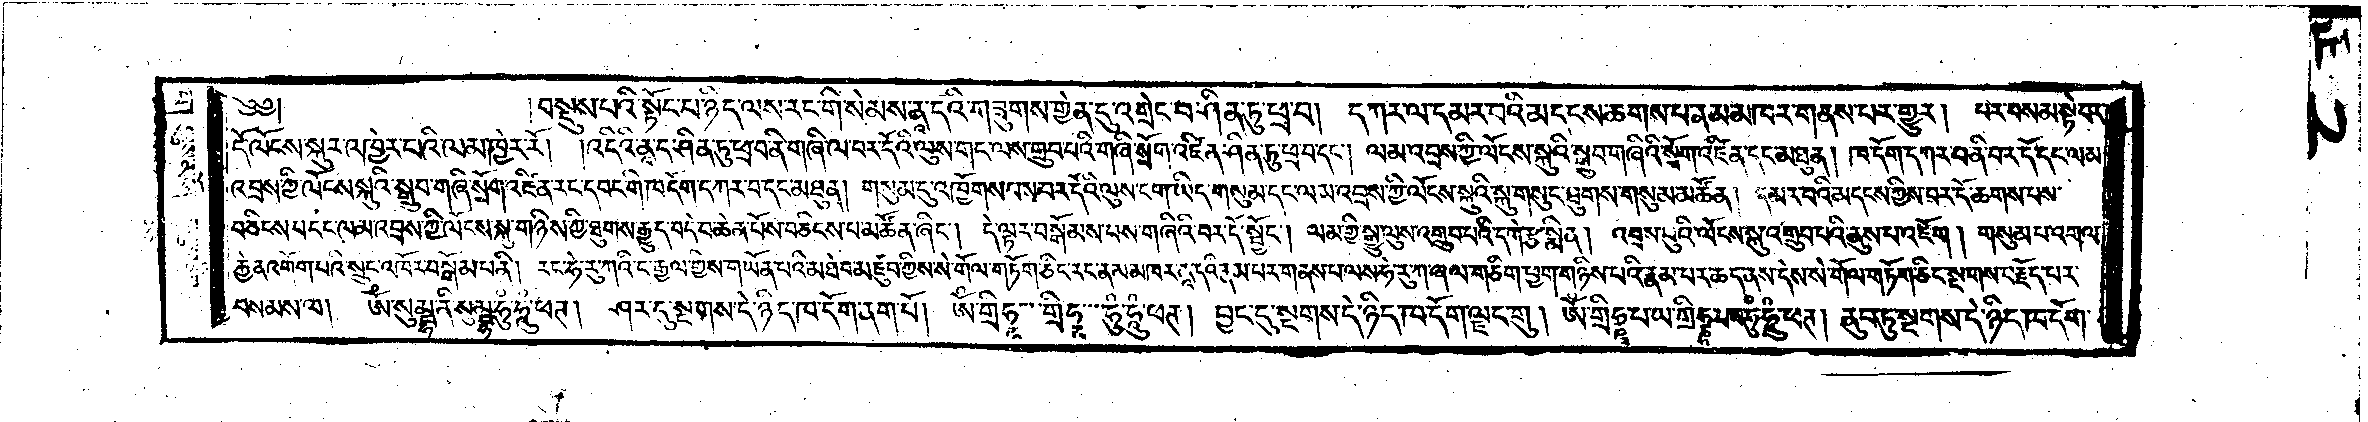༄༅། །བསྡུས་པའི་སྟོང་པ་ཉིད་ལས་རང་གི་སེམས་ནཱ་དའི་གཟུགས་གྱེན་དུ་འགྲེང་བ་ཤིན་ཏུ་ཕྲ་བ། དཀར་ལ་དམར་བའི་མདངས་ཆགས་པ་ནམ་མཁར་གནས་པར་གྱུར། པར་བསམ་སྟེ་བར་
དོ་ལོངས་སྐུར་འཁྱེར་བའི་ལམ་ཁྱེར་རོ། །འདིའི་ནཱ་ད་ཤིན་ཏུ་ཕྲ་བ་ནི་གཞི་ལ་བར་དོའི་ལུས་གང་ལས་གྲུབ་པའི་གཞི་སྲོག་འཛིན་ཤིན་ཏུ་ཕྲ་བ་དང་། ལམ་འབྲས་ཀྱི་ལོངས་སྐུའི་སྒྲུབ་གཞིའི་སྲོག་འཛིན་དང་མཐུན། ཁ་དོག་དཀར་བ་ནི་བར་དོ་དང་ལམ་
འབྲས་ཀྱི་ལོངས་སྐུའི་སྒྲུབ་གཞི་སྲོག་འཛིན་རང་དབང་གི་ཁ་དོག་དཀར་བ་དང་མཐུན། གསུམ་དུ་འཁྱོགས་པས་བར་དོའི་ལུས་ངག་ཡིད་གསུམ་དང་ལམ་འབྲས་ཀྱི་ལོངས་སྐུའི་སྐུ་གསུང་ཐུགས་གསུམ་མཚོན། དམར་བའི་མདངས་ཀྱིས་བར་དོ་ཆགས་པས་
བཅིངས་པ་དང་ལམ་འབྲས་ཀྱི་ལོངས་སྐུ་གཉིས་ཀྱི་ཐུགས་རྒྱུད་བདེ་བ་ཆེན་པོས་བཅིངས་པ་མཚོན་ཞིང་། དེ་ལྟར་བསྒོམས་པས་གཞིའི་བར་དོ་སྦྱོང་། ལམ་གྱི་སྒྱུ་ལུས་འགྲུབ་པའི་དགེ་རྩ་སྨིན། འབྲས་པུའི་ལོངས་སྐུ་འགྲུབ་པའི་ནུས་པ་འཇོག །གསུམ་པ་འགལ་
རྐྱེན་འགོག་པའི་སྲུང་འཁོར་བསྒོམ་པ་ནི། རང་ཧེ་རུ་ཀའི་ང་རྒྱལ་གྱིས་གཡོན་པའི་མཐེབ་མཛུབ་ཀྱིས་སེ་གོལ་གཏོག་ཅིང་རང་ནམ་མཁར་ནཱ་དའི་རྣམ་པར་གནས་པ་ལས་ཧེ་རུ་ཀ་ཞལ་གཅིག་ཕྱག་གཉིས་པའི་རྣམ་པར་ཆད་ནས་དེས་སེ་གོལ་གཏོག་ཅིང་སྔགས་བརྗོད་པར་
བསམས་ལ། ཨོཾ་སུམྦྷ་ནི་སུམྦྷ་ཧུཾ་ཧཱུཾ་ཕཊ། ཤར་དུ་སྔགས་དེ་ཉིད་ཁ་དོག་ནག་པོ། ཨོཾ་གྲི་ཧྣ་གྲིདྣ་ཧུཾ་ཧཱུཾ་ཕཊ། བྱང་དུ་སྔགས་དེ་ཉིད་ཁ་དོག་ལྗང་གུ། ཨོཾ་གྲིཧྞཱ?་པ་ཡ་གྲིཧྞཱ་པ་མ་ཧུཾ་ཧཱུཾ་ཕཊ། ནུབ་ཏུ་སྔགས་དེ་ཉིད་ཁ་དོག་